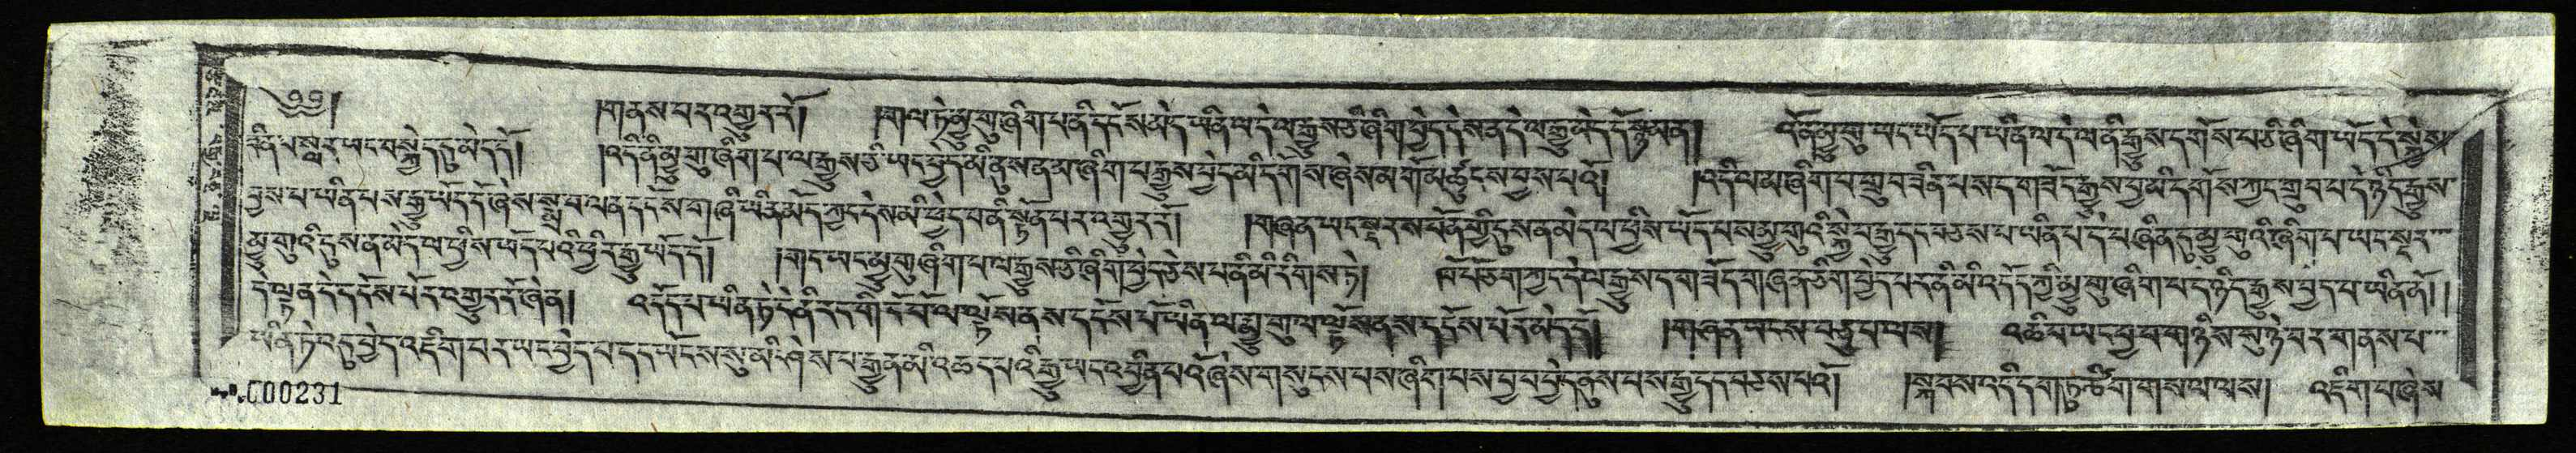༄༅། །གནས་པར་འགྱུར་རོ། །གལ་ཏེ་མྱུ་གུ་ཞིག་པ་ནི་དངོས་མེད་ཡིན་ལ་དེ་ལ་རྒྱུས་ཅི་ཞིག་བྱེད་དེས་ན་དེ་ལ་རྒྱུ་མེད་དོ་སྙམ་ན། འོ་ན་མྱུ་གུ་ཡང་ཡོད་པ་ཡིན་ལ་དེ་ལ་ནི་རྒྱུས་དགོས་པ་ཅི་ཞིག་ཡོད་དེ་སྐྱེས་
ཟིན་པ་སླར་ཡང་བསྐྱེད་དུ་མེད་དོ། །འདི་ནི་མྱུ་གུ་ཞིག་པ་ལ་རྒྱུས་ཅི་ཡང་བྱེད་མི་ནུས་ན་མ་ཞིག་པ་རྒྱུས་བྱེད་མི་དགོས་ཞེས་མགོ་མཚུངས་བྱས་པའོ། །འདི་ལ་མ་ཞིག་པ་གྲུབ་ཟིན་པས་ད་གཟོད་རྒྱུས་བྱ་མི་དགོས་ཀྱང་གྲུབ་པ་དེ་ཉིད་རྒྱུས་
བྱས་པ་ཡིན་པས་རྒྱུ་ཡོད་དོ་ཞེས་སྨྲ་བ་ལན་དངོས་གཞི་ཡིན་མོད་ཀྱང་དེས་མི་ཕྱེད་པ་ནི་སྟོན་པར་འགྱུར་རོ། །གཞན་ཡང་སྔར་ས་བོན་གྱི་དུས་ན་མེད་ལ་ཕྱིས་ཡོད་པས་མྱུ་གུའི་སྐྱེ་བ་རྒྱུ་དང་བཅས་པ་ཡིན་པ་དེ་བཞིན་དུ་མྱུ་གུའི་ཞིག་པ་ཡང་སྔར་
མྱུ་གུའི་དུས་ན་མེད་ལ་ཕྱིས་ཡོད་པའི་ཕྱིར་རྒྱུ་ཡོད་དོ། །གང་ཡང་མྱུ་གུ་ཞིག་པ་ལ་རྒྱུས་ཅི་ཞིག་བྱེད་ཅེས་པ་ནི་མི་རིགས་ཏེ། ཁོ་བོ་ཅག་ཀྱང་དེ་ལ་རྒྱུས་ད་གཟོད་གཞན་ཅིག་བྱེད་པར་ནི་མི་འདོད་ཀྱི་མྱུ་གུ་ཞིག་པ་དེ་ཉིད་རྒྱུས་བྱེད་པ་ཡིན་ནོ།།
དེ་ལྟ་ན་དེ་དངོས་པོར་འགྱུར་རོ་ཞེ་ན། འདོད་པ་ཡིན་ཏེ་དེ་ནི་རང་གི་ངོ་བོ་ལ་ལྟོས་ནས་དངོས་པོ་ཡིན་ལ་མྱུ་གུ་ལ་ལྟོས་ནས་དངོས་པོར་མེད་དོ། །གཞན་ཡངས་བཅུ་པ་ལས། འཆི་བ་ཡང་བྱ་བ་གཉིས་སུ་ཉེ་བར་གནས་པ་
ཡིན་ཏེ་འདུ་བྱེད་འཇིག་པར་ཡང་བྱེད་པ་དང་ཡོངས་སུ་མི་ཤེས་པ་རྒྱུན་མི་འཆད་པའི་རྒྱུ་ཡང་འབྱིན་པའོ་ཞེས་གསུངས་པས་ཞིག་པས་བྱ་བ་བྱེད་ནུས་པས་རྒྱུ་དང་བཅས་པའོ། །སྐབས་འདི་དག་ཏུ་ཚིག་གསལ་ལས། འཇིག་པ་ཞེས་